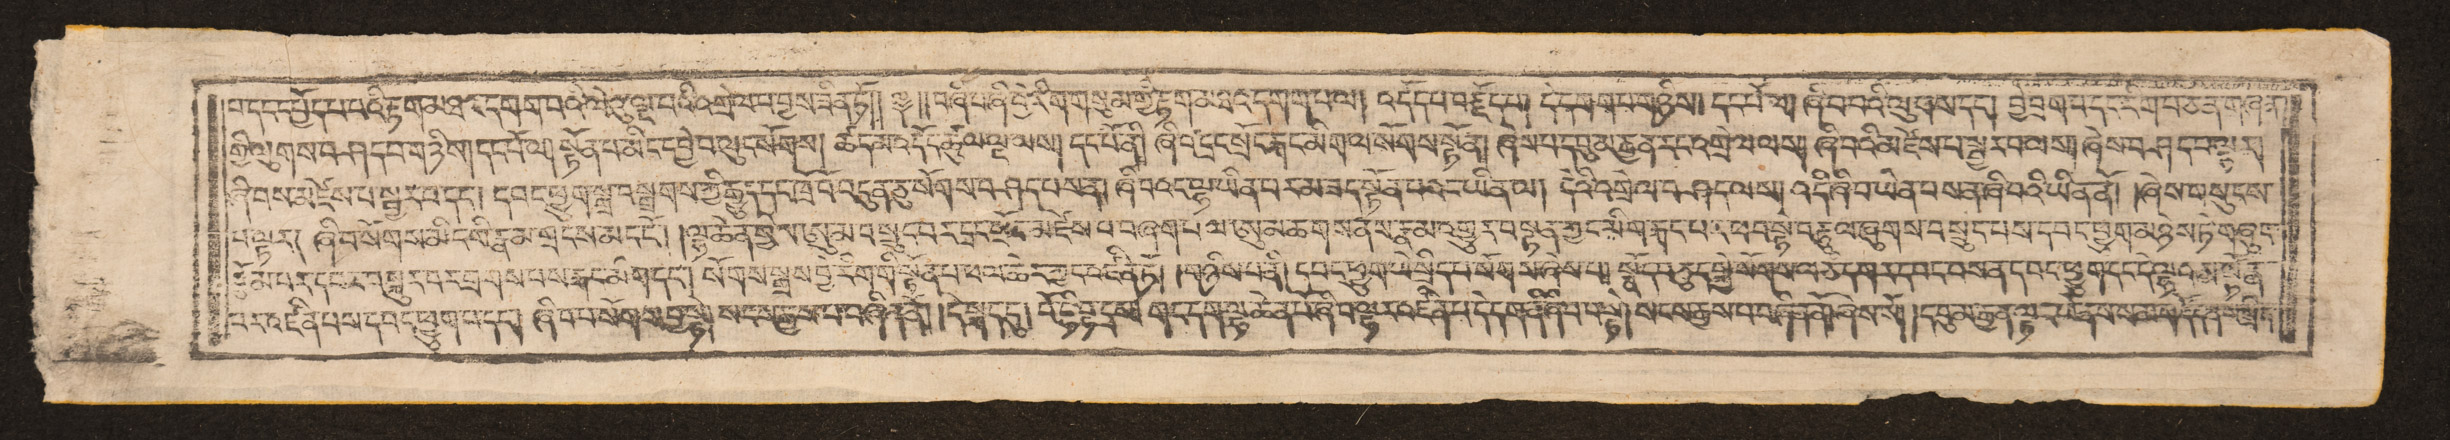བ་དང་དཔྱོད་པ་བའི་རྟག་མཐའ་དགག་པའི་ལེའུ་ལྔ་བའི་འགྲེལ་བ་བྱས་ཟིན་ཏོ།། ༈ །།བཞི་བ་ཞི་བྱེ་རིགས་གསུམ་གྱི་རྟག་མཐའ་དགག་པ་ལ། འདོད་པ་བརྗོད་པ། དེ་དགག་པ་གཉིས། དང་པོ་ལ། ཞིབ་པའི་ལུགས་དང་། བྱེ་བྲག་པ་དིང་རིག་བ་ཅན་གཞན་
གྱི་ལུགས་བཤད་པ་གཉིས། དང་པོ་ལ། སྟོན་པ་མིང་དབྱི་བ་ལུང་སོགས། ཚད་མ་འདོད་ཚུལ་ལྔ་ལས། དང་པོ་ནི། ཞིང་གྲང་སྲོང་རྐང་མིག་ལ་སོགས་སྟོན། ཞེས་པ་དབུ་མ་རྒྱན་རང་འགྲེལ་ལས། ཞི་བའི་མཇོས་པ་སྦྱར་པ་ལས། ཞེས་བཤད་བ་ལྟར།
ཞི་བས་མཛེས་པ་སྦྱར་བ་དང་། དབང་ཕྱུག་སྒྲ་བ་སྒྲགས་ཀྱི་རྒྱུད་དང་ཁྲོ་བོ་བདུན་ཅུ་སོགས་བཤད་པས་ན། ཞི་བ་འང་ལྷ་ཡིན་པར་མ་ཟད་སྟོན་པ་འང་ཡིན་ལ། དེའི་འགྲེལ་བཤད་ལས། འདི་ཞིབ་ཡིན་པས་ན་ཞི་བའི་ཡིན་ནོ། །ཞེས་གསུངས་བ།
ལྟར། ཞིབ་སོགས་མིང་གི་རྣམ་གྲངས་མང་ངོ། །ལྷ་ཆེན་གྱིས་ཨུ་མ་བསྲུང་བར་དྲང་སྲོང་མཇོས་པ་གཞག་པ་ལ་ཨུ་མ་ཆགས་ནས་རྣམ་འགྱུར་བསྟན་ཀྱང་མིག་རྐང་བར་ཕབ་སྟེ་བརྟུལ་ཞུགས་བསྲུངས་བས་དབང་ཕྱུག་མཉེས་ཏེ་གཞུང་རྩོམ་པར་
དབང་བསྒར་བར་གྲགས་པས་རྐང་མིག་དང་། སོགས་སྒྲས་བྱེ་རིག་གི་སྟོན་པ་ཕལ་ཆེན་ཀྱང་འཛིན་ཏོ། །གཉིས་པ་ན། དབང་ཕྱུག་ཡ་སྲིད་པ་སོགས་ཞེས་པ། སྣོད་པ་ཅུད་སྐྱེ་སོགས་ལ་ཅི་དགར་དབང་བས་ན་དབང་ཕྱུག་དང་དེ་ལྷའམ་
སྟོན་པར་འཛིན་པས་དབང་ཕྱུག་པ་དང་། ཞིབ་བ་སོགས་བྱ་སྟེ། སངས་རྒྱས་པ་བཞིན་ནོ། །དེ་སྐད་དུ། བོ་དྷེ་བྷ་དྲས། གང་དག་ལྷ་ཆེན་པ་ཞི་བ་ལྟར་འཛིན་པ་དེ་དག་ནི་ཞིབ་བ་སྟེ། སངས་རྒྱས་པ་བཞིན་ནོ། ཞེས་སོ། །དབུ་མ་རྒྱན་ལྟར་ཡེ་ནས་སམ་གདོད་ནས་སྲིད་